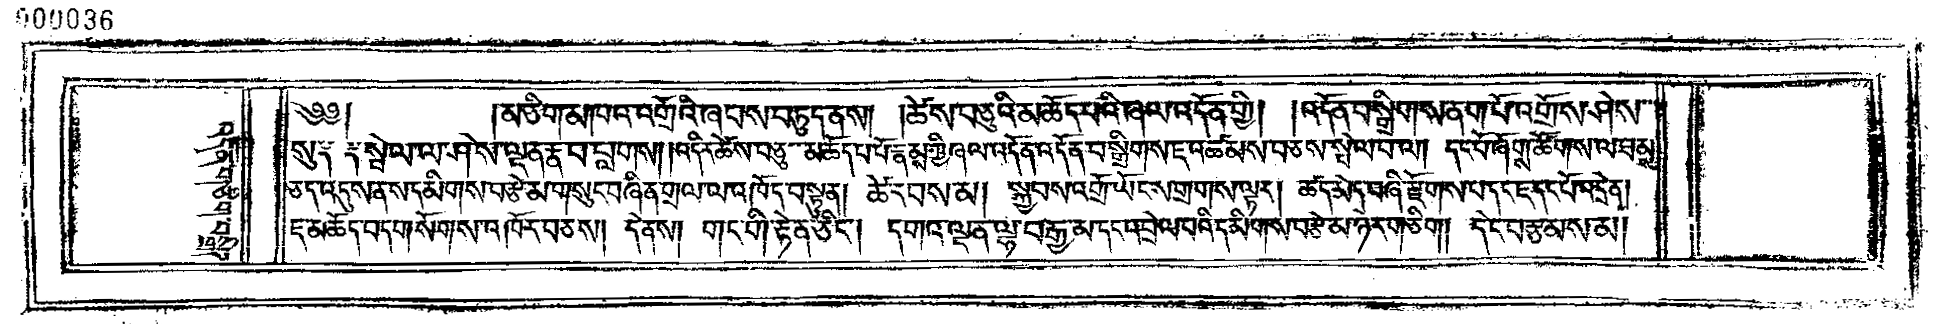༄༅། །མ་ཅིག་མཁའ་འགྲོའི་ཞབས་བཏུད་ནས། །ཚེས་བཅུའི་མཆོད་པའི་ཞལ་འདོན་གྱི། །འདོན་བསྒྲིགས་ནག་པོ་འགྲོས་ཤེས་
སུ༑ ༑སྤེལ་ལ་ཤེས་ལྡན་རྣ་བ་བླགས། །འདིར་ཚེས་བཅུ་མཆོད་པ་པོ་རྣམས་ཀྱི་ཞལ་འདོན་འདོན་བསྒྲིགས་ཇ་འཚམས་བཅས་སྤེལ་བ་ལ།  དང་པོ་ཞོགས་ཚོགས་ལ་ཐམས་
ཅད་འདུས་ནས་དམིགས་བརྩེ་མ་གསུང་བཞིན་གྲལ་ལ་འཁོད་བསྟུན། ཚེ་རབས་མ། སྐྱབས་འགྲོ་ཡོངས་གྲགས་ལྟར། ཚད་མེད་བཞི་རྫོགས་པ་དང་ཇ་དང་པོ་འདྲེན།
ཇ་མཆོད་བདག་སོགས་འཁོར་བཅས། དེ་ནས། གང་གི་རྟེན་ཅིང་། དགའ་ལྡན་ལྷ་བརྒྱ་མ་དང་འབྲེལ་བའི་དམིགས་བརྩེ་མ་ཉེར་གཅིག །དེང་བརྩམས་མ།